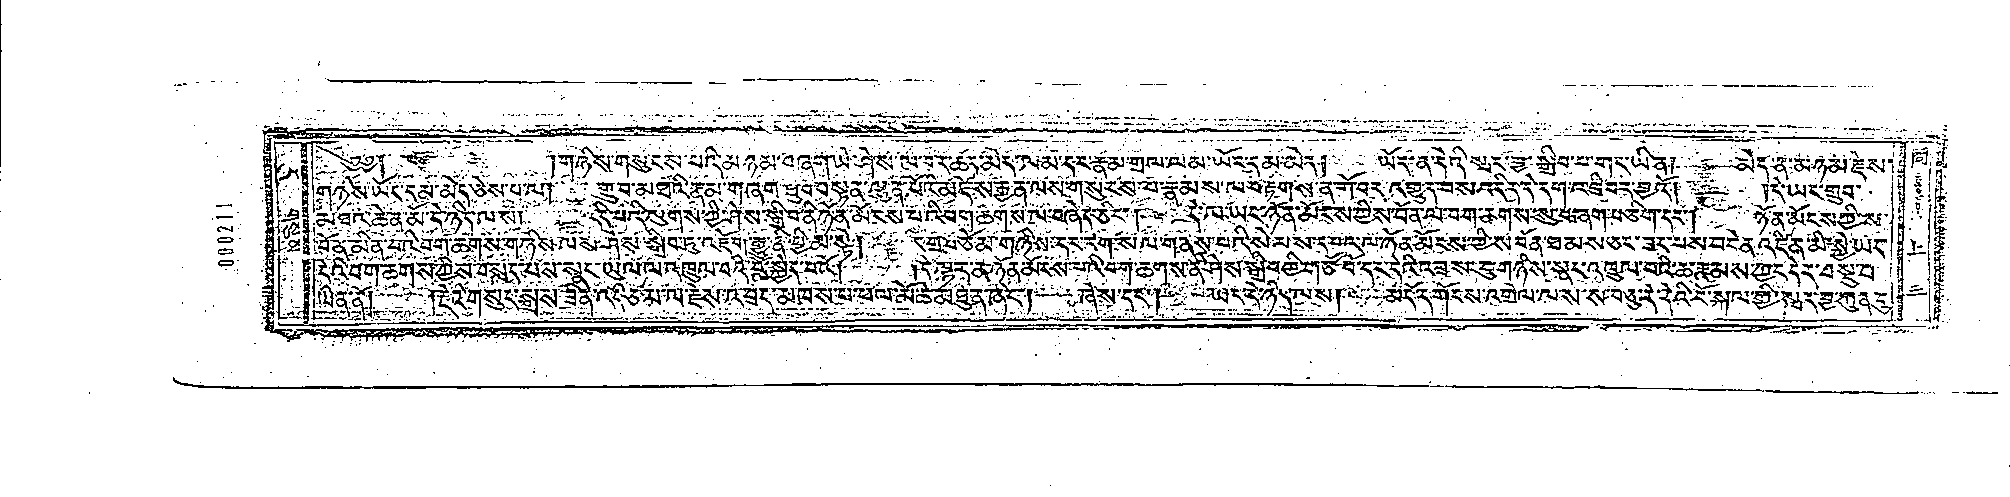༄༅། །གཉིས་གསུངས་པའི་མཉམ་བཞག་ཡེ་ཤེས་ལ་བར་ཆང་མེད་ལམ་དང་རྣམ་གྲོལ་ལམ་ཡོད་དམ་མེད། ཡོད་ན་དེའི་སྤང་བྱ་སྒྲིབ་པ་གང་ཡིན། མེད་ན་མཉམ་རྗེས་
གཉིས་ཡོད་དམ་མེད་ཅེས་པ་ལ། གྲུབ་མཐའི་རྣམ་གཞག་ཐུབ་བསྟན་ལྷུན་པོའི་མཛེས་རྒྱན་ལས་གསུངས་པ་རྣམས་ལ་བརྟགས་ན་གོ་བར་འགྱུར་བས་འདིར་དེ་དག་འབྲི་བར་བྱའོ། །དེ་ཡང་གྲུབ་
མཐའ་ཆེན་མོ་དེ་ཉིད་ལས། འདི་པའི་ལུགས་ཀྱི་ཤེས་སྒྲིབ་ནི་ཉོན་མོངས་པའི་བག་ཆགས་ལ་བཞེད་ཅིང་། དེ་ལ་ཡང་ཉོན་མོངས་ཀྱི་ས་བོན་ལ་བག་ཆགས་སུ་བཞག་པ་ཅིག་དང་། ཉོན་མོངས་ཀྱི་ས་
བོན་མིན་པའི་བག་ཆགས་གཉིས་ལས་ཤེས་སྒྲིབ་ཏུ་འཇོག་རྒྱུ་ནི་ཕྱི་མ་སྟེ། དགྲ་བཅོམ་གཉིས་དང་རིགས་ལ་གནས་པའི་སེམས་དཔའ་ལ་ཉོན་མོངས་ཀྱི་ས་བོན་ཐམས་ཅད་ཟད་པས་བདེན་འཛིན་མི་སྐྱེ་ཡང་
དེའི་བག་ཆགས་ཀྱིས་བསླད་པས་སྣང་ཡུལ་ལ་འཁྲུལ་བའི་བློ་སྐྱེད་པའོ། །དེ་ལྟར་ན་ཉོན་མོངས་པའི་བག་ཆགས་ནི་ཤེས་སྒྲིབ་ཀྱི་གཙོ་བོ་དང་དེའི་འབྲས་བུ་གཉིས་སྣང་འཁྲུལ་བའི་ཆ་རྣམས་ཀྱང་དེར་བསྡུབ་
ཡིན་ནོ། །རྗེའི་གསུང་སྒྲས་ཟིན་འདི་ཙམ་ལ་རྗེས་འབྲད་མཁས་པ་ཕལ་མོ་ཆེ་མཐུན་ཞིང་། ཞེས་དང་། ཡང་དེ་ཉིད་ལས། མདོ་དགོངས་འགྲེལ་ལས་ས་བཅུ་རེ་རེའི་ངོ་སྐལ་གྱི་སྤང་བྱ་ཀུན་དུ་